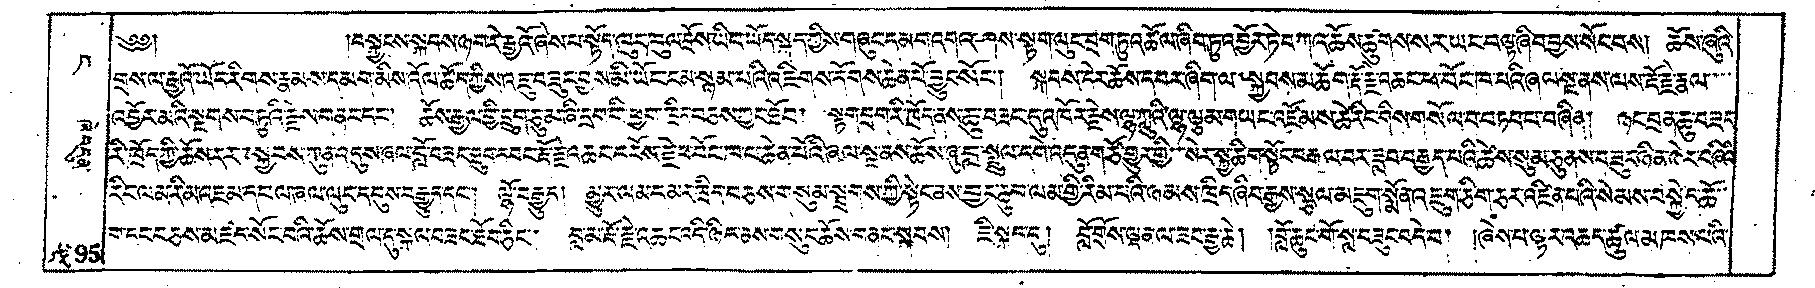༄༅། །བསྐྱངས་སྐབས་ཉག་རེ་རྒྱའོ་ཞེས་པ་སྟོད་ལུང་ཁུལ་བྲོས་ཡིབ་ཡོད་སྐད་ཀྱིས་གཞུང་དམག་འགའ་ཤས་སྟག་ལུང་བྲག་ཏུ་འཚོལ་ཞིབ་ཏུ་འབྱོར་ཏེ་བཀའ་ཆོས་ཚུགས་སར་ཡང་བལྟ་ཞིབ་བྱས་སོང་བས། ཆོས་ཞུའི་
གྲས་ལ་རྒྱའོ་ཡོད་རིགས་རྣམས་དམག་མིས་འོལ་ཚོད་ཀྱིས་འཇུ་བཟུང་བྱས་མི་ཡོང་ངམ་སྙམ་པའི་འཇིགས་དོགས་ཆེན་པོ་བྱུང་སོང་། སྐབས་དེར་ཆོས་དབར་ཞིག་ལ་༧སྐྱབས་མཆོག་རྡོ་རྗེ་འཆང་ཕ་བོང་ཁ་པའི་ཞལ་སྔ་ནས་ལས་རྡོ་རྗེ་རྣལ་
འབྱོར་མའི་སྔགས་བཏུའི་རྗེས་གནང་དང་། ཆོས་རྒྱལ་གྱི་དྲུག་ཅུ་མ་ཞི་དྲག་གི་ཕྱག་ཁྲིད་བཅས་ཀྱང་ཐོབ། སྟག་བྲག་རི་ཁྲོད་ནས་ཆུ་བཟང་དུ་འཁོར་རྗེས་ལྷ་ཀླུའི་ལྷ་ལྕམ་གཡང་འཛོམས་ཚེ་རིང་གིས་གསོལ་བ་བཏབ་པ་བཞིན། ཉང་བྲན་ཆུ་བཟང་
རི་ཁྲོད་ཀྱི་ཆོས་རར་༧སྐྱབས་ཀུན་འདུས་ཞལ་བློ་བཟང་ཐུབ་དབང་རྡོ་རྗེ་འཆང་དངོས་རྗེ་ཕ་བོང་ཁ་བ་ཆེན་པོའི་ཞལ་སྔ་ནས་ཆོས་ཞུ་བླ་སྤྲུལ་དགེ་འདུན་གཙོ་གྱུར་གྱི་སེར་སྐྱ་ཆིག་སྟོང་བརྒལ་བར་ཟླ་བ་བརྒྱད་པའི་ཚེས་སུམ་ཅུ་ནས་བཟུང་ཉིན་ཉེར་བཞིའི་
རིང་ལམ་རིམ་འཇམ་དཔལ་ཞལ་ལུང་དབུས་བརྒྱུད་དང་། ལྷོ་བརྒྱུད། མྱུར་ལམ་དམར་ཁྲིད་བཅས་གསུམ་སྦྲགས་ཀྱི་སྟེང་ནས་བྱང་ཆུབ་ལམ་གྱི་རིམ་པའི་ཉམས་ཁྲིད་ཞིབ་རྒྱས་སྩལ་མཇུག་སྨོན་འཇུག་ཅིག་ཅར་འཛིན་པའི་སེམས་བསྐྱེད་ཆོ་
ག་དང་བཅས་མཛད་སོང་བའི་ཆོས་གྲལ་དུ་སྐལ་བཟང་ཐོབ་ཅིང་། བླ་མ་རྡོ་རྗེ་འཆང་འདི་ཉིད་ནས་གསུང་ཆོས་གནང་སྐབས། ཇི་སྐད་དུ། བློ་གྲོས་ལྡན་ལ་ཟབ་རྒྱ་ཆེ། །བློ་ཆུང་གོ་སླ་བཟུང་བདེ་བ། །ཞེས་པ་ལྟར་འཆད་ཚུལ་མཁས་པའི་